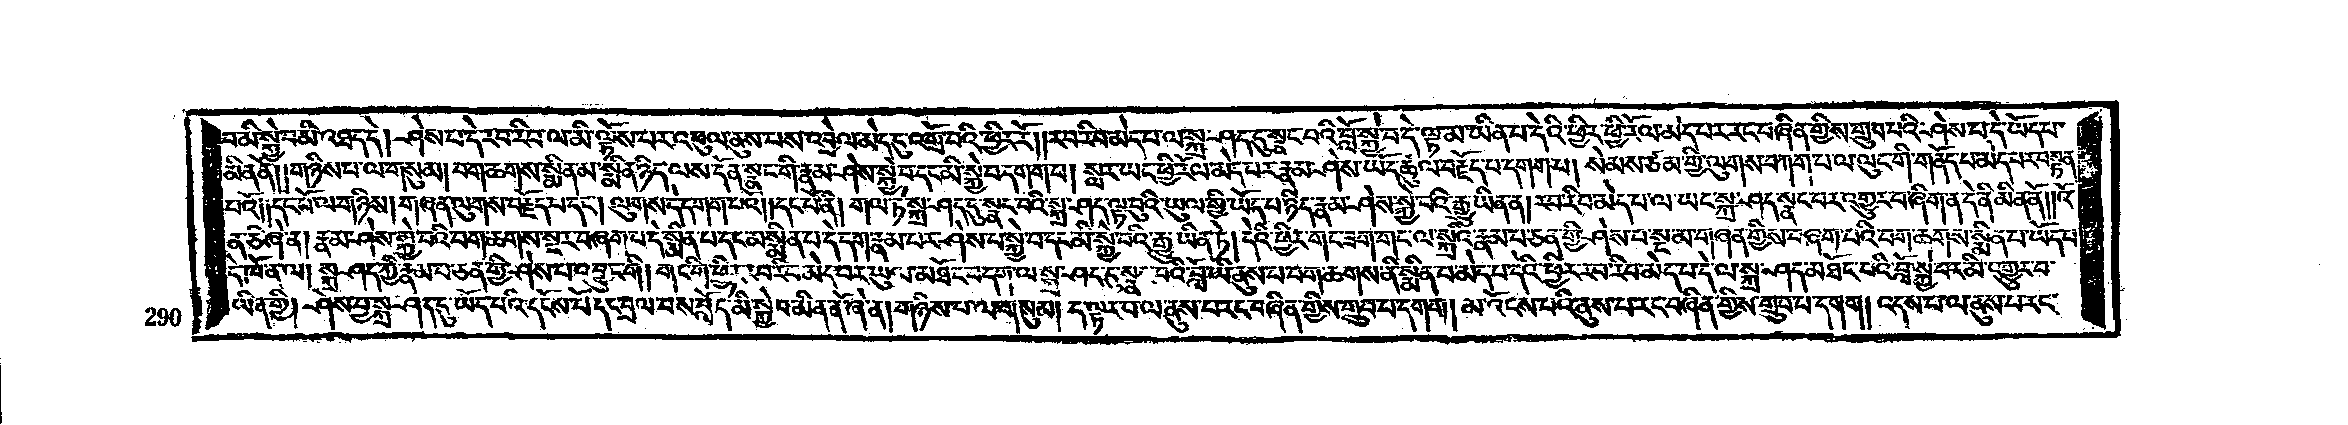བ་མི་སྐྱེ་བ་མི་འཐད་དེ། ཤེས་པ་དེ་རབ་རིབ་ལ་མི་ལྟོས་པར་འཕུལ་ནུས་པས་འབྲེལ་མེད་དུ་འགྲོ་བའི་ཕྱིར་རོ། །རབ་རིབ་མེད་པ་ལ་སྒྲ་ཤད་དུ་སྣང་བའི་བློ་སྐྱེ་བ་དེ་ལྟ་མ་ཡིན་པ་དེའི་ཕྱིར་ཕྱི་རོལ་མེད་པར་རང་བཞིན་གྱིས་གྲུབ་པའི་ཤེས་པ་དེ་ཡོད་པ་
མིན་ནོ། །གཉིས་པ་ལ་གསུམ། བག་ཆགས་སྨིན་མ་སྨིན་ཉིད་ལས་དོན་སྣང་གི་རྣམ་ཤེས་སྐྱེ་བ་དང་མི་སྐྱེ་བ་དགག་པ། སླར་ཡང་ཕྱི་རོལ་མེད་པར་རྣམ་ཤེས་ཡོད་ཚུལ་བརྗོད་པ་དགག་པ། སེམས་ཙམ་གྱི་ལུགས་བཀག་པ་ལ་ལུང་གི་གནོད་པ་མེད་པར་བསྟན་
པའོ། །དང་པོ་ལ་གཉིས། གཞན་ལུགས་བརྗོད་པ་དང་། ལུགས་དེ་དགག་པའོ། །དང་པོ་ནི། གལ་ཏེ་སྐྲ་ཤད་དུ་སྣང་བའི་སྐྲ་ཤད་ལྟ་བུའི་ཡུལ་གྱི་ཡོད་པ་ཉིད་རྣམ་ཤེས་སྐྱེ་བའི་རྒྱུ་ཡིན་ན། རབ་རིབ་མེད་པ་ལ་ཡང་སྐྲ་ཤད་སྣང་བར་འགྱུར་བ་ཞིག་ན་དེ་ནི་མིན་ནོ། །འོ་
ན་ཅི་ཞེ་ན། རྣམ་ཤེས་སྐྱེ་བའི་བག་ཆགས་སྔར་བཞག་པ་དེ་སྨིན་པ་དང་མ་སྨིན་པ་དེ་དག་རྣམ་པར་ཤེས་པ་སྐྱེ་བ་དང་མི་སྐྱེ་བའི་རྒྱུ་ཡིན་ཏེ། དེའི་ཕྱིར་གང་ཟག་གང་ལ་སྐྲའི་རྣམ་པ་ཅན་གྱི་ཤེས་པ་སྔ་མ་གཞན་གྱིས་བཞག་པའི་བག་ཆགས་སྨིན་པ་ཡོད་པ་
དེ་ཁོ་ན་ལ། སྐྲ་ཤད་ཀྱི་རྣམ་པ་ཅན་གྱི་ཤེས་པ་འབྱུང་གི ། གང་གི་ཕྱིར་རབ་རིབ་མེད་པར་ཡུལ་མཐོང་བ་དག་ལ་སྐྲ་ཤད་དུ་སྣང་བའི་བློ་ཡི་ནུས་པ་བག་ཆགས་ནི་སྨིན་པ་མེད་པ་དེའི་ཕྱིར་རབ་རིབ་མེད་པ་དེ་ལ་སྐྲ་ཤད་མཐོང་བའི་བློ་སྐྱེ་བར་མི་འགྱུར་བ་
ཡིན་གྱི། ཤེས་བྱ་སྐྲ་ཤད་དུ་ཡོད་པའི་དངོས་པོ་དང་བྲལ་བས་བློ་དེ་མི་སྐྱེ་བ་མིན་ནོ་ཞེ་ན། གཉིས་པ་ལ་གསུམ། ད་ལྟར་བ་ལ་ནུས་པ་རང་བཞིན་གྱིས་གྲུབ་པ་དགག །མ་འོངས་པའི་ནུས་པ་རང་བཞིན་གྱིས་གྲུབ་པ་དགག །འདས་པ་ལ་ནུས་པ་རང་